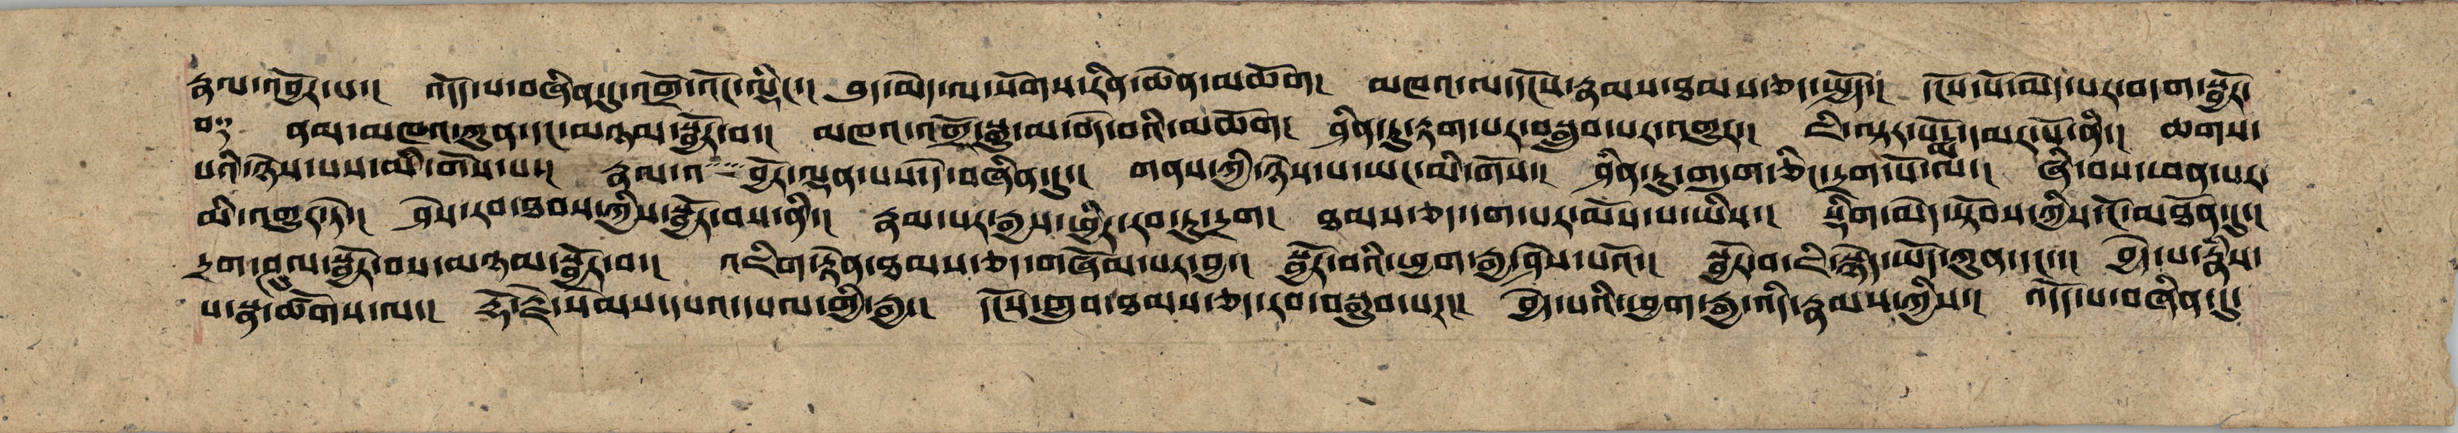རྣལ་འབྱོར་པ་། འདོད་པ་བཞིན་དུ་འགྲོ་འོང་ལྡིང་། བུད་མེད་ལ་སོགས་རིན་ཆེན་མཆོག། མཁའ་ལ་དངོས་རྣམས་ཐམས་ཅད་སྤྱོད་། དངོས་པོ་མེད་པར་བདག་སྦྱོར་
བ༑ ནམ་མཁའ་ཀུན་དང་མཉམ་སྦྱོར་བ་། མཁའ་འགྲོ་སྒྱུ་མ་བདེ་བའི་མཆོག། ཤིན་ཏུ་རྟག་པར་བསྒྲུབ་པར་འགྱུར་། ཇི་ལྟར་པདྨོ་དམར་པོ་ནི་། ཆགས་
པའི་ཉེས་པས་མི་གོས་པ་། རྣལ་འ བྱོར་ལྡན་པས་དེ་བཞིན་དུ་། གནས་ཀྱི་ཉེས་པ་ཡང་མི་གོས་། ཤིན་ཏུ་གདུག་ཅིང་དྲག་པོ་ལ་། ཞི་བས་ཕན་པར་
མི་འགྱུར་ཏེ་། ཤེས་རབ་ཐབས་ཀྱིས་སྦྱོར་བས་ནི་། རྣམ་པར་རྒྱས་ཕྱིར་རབ་ཏུ་དྲག། ཐམས་ཅད་དག་པར་མོས་པ་ཡིས་། སྡིག་མེད་་སྟོབས་ཀྱིས་ངོ་མཐོན་དུ་།
དྲག་ཤུལ་སྦྱོར་བས་མཉམ་སྦྱོར་བ་། འཇིག་རྟེན་ཐམས་ཅད་གཞོམ་པར་བྱ་། སྦྱོར་བའི་ཕྱག་རྒྱ་ཤེས་པའོ་། སྦྱོར་བ་ཇི་སྙེད་ཡོད་ཀུན་དང་་། བྱེད་པ་རྣཾས་
པ་སྣ་ཚོགས་ལ་། རྡོ་རྗེ་སེམས་དཔའ་དཔལ་གྱི་རྒྱ་། དངོས་གྲུབ་ཐམས་ཅད་རབ་བསྒྲུབ་པར།།། བྱེད་པའི་ཕྱག་རྒྱ་འདི་རྣམས་ཀྱིས་། འདོད་པ་བཞིན་དུ་